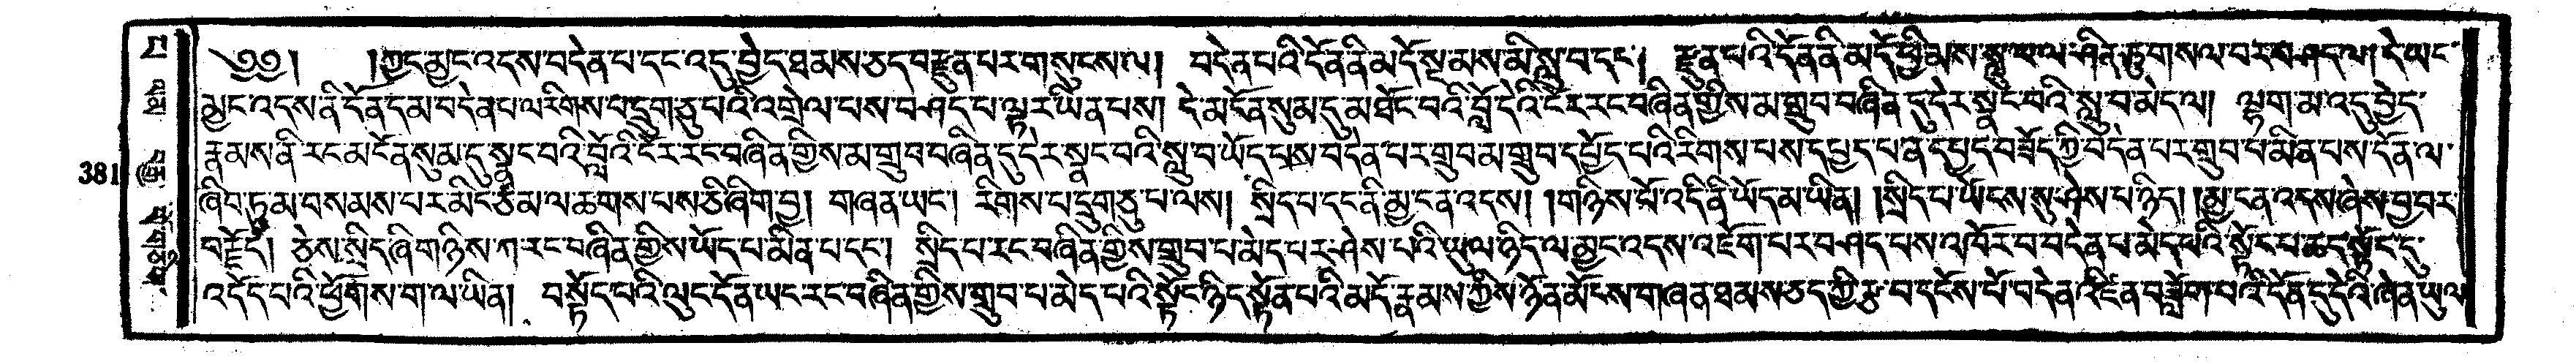༄༅། །ཀྱང་མྱང་འདས་བདེན་པ་དང་འདུ་བྱེད་ཐམས་ཅད་བརྫུན་པར་གསུངས་ལ། བདེན་པའི་དོན་ནི་མདོ་སྔ་མས་མི་སླུ་བ་དང་། རྫུན་པའི་དོན་ནི་མདོ་ཕྱི་མས་སླུ་བ་ལ་ཤིན་ཏུ་གསལ་བར་བཤད་ལ། དེ་ཡང་
མྱང་འདས་ནི་དོན་དམ་བདེན་པ་ལ་རིགས་པ་དྲུག་ཅུ་པའི་འགྲེལ་པས་བཤད་པ་ལྟར་ཡིན་པས། དེ་མངོན་སུམ་དུ་མཐོང་བའི་བློ་དེའི་ངོར་རང་བཞིན་གྱིས་མ་གྲུབ་བཞིན་དུ་དེར་སྣང་བའི་སླུ་བ་མེད་ལ། ལྷག་མ་འདུ་བྱེད་
རྣམས་ནི་རང་མངོན་སུམ་དུ་སྣང་བའི་བློའི་ངོར་རང་བཞིན་གྱིས་མ་གྲུབ་བཞིན་དུ་དེར་སྣང་བའི་སླུ་བ་ཡོད་པས་བདེན་པར་གྲུབ་མ་གྲུབ་དཔྱོད་པའི་རིགས་པས་དཔྱད་པ་ན་དཔྱད་བཟོད་ཀྱི་བདེན་པར་གྲུབ་བ་མིན་པས་དོན་ལ་
ཞིབ་ཏུ་མ་བསམས་པར་མིང་ཙམ་ལ་ཆགས་པས་ཅི་ཞིག་བྱ། གཞན་ཡང་། རིགས་པ་དྲུག་ཅུ་པ་ལས། སྲིད་པ་དང་ནི་མྱ་ངན་འདས། །གཉིས་པོ་འདི་ནི་ཡོད་མ་ཡིན། །སྲིད་པ་ཡོངས་སུ་ཤེས་པ་ཉིད། །མྱ་ངན་འདས་ཞེས་བྱ་བར་
བརྗོད། ཅེས་སྲིད་ཞི་གཉིས་ཀ་རང་བཞིན་གྱིས་ཡོད་པ་མིན་པ་དང་། སྲིད་པ་རང་བཞིན་གྱིས་གྲུབ་པ་མེད་པར་ཤེས་པའི་ཡུལ་ཉིད་ལ་མྱང་འདས་འཇོག་པར་བཤད་པས་འཁོར་བ་བདེན་པ་མེད་པའི་སྟོང་བ་ཆད་སྟོང་དུ་
འདོད་པའི་ཕྱོགས་ག་ལ་ཡིན། བསྟོད་པའི་ལུང་དོན་ཡང་རང་བཞིན་གྱིས་གྲུབ་པ་མེད་པའི་སྟོང་ཉིད་སྟོན་པའི་མདོ་རྣམས་ཀྱིས་ཉོན་མོངས་གཞན་ཐམས་ཅད་ཀྱི་རྩ་བ་དངོས་པོ་བདེན་འཛིན་བཟློག་པའི་དོན་དུ་དེའི་ཞེན་ཡུལ་